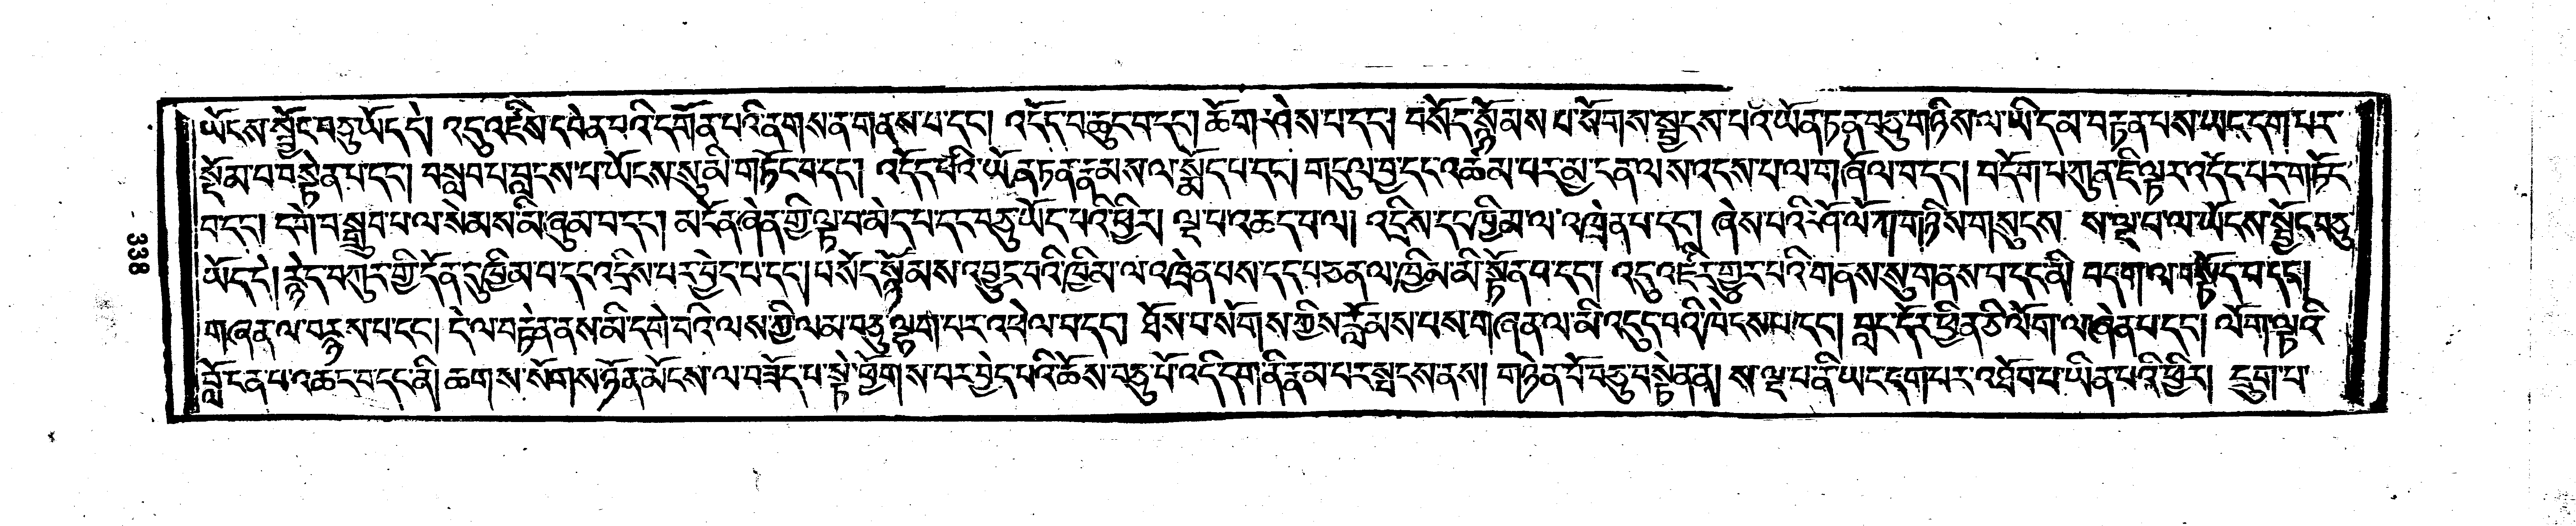ཡོངས་སྦྱོང་བཅུ་ཡོད་དེ། འདུ་འཛིས་དབེན་པའི་དགོན་པའི་ནགས་ན་གནས་པ་དང་། འདོད་པ་ཆུང་བ་དང་། ཆོག་ཤེས་པ་དང་། བསོད་སྙོམས་པ་སོགས་སྦྱངས་པའི་ཡོན་ཏན་བཅུ་གཉིས་ལ་ཡི་དམ་བརྟན་པས་ཡང་དག་པར་
སྡོམ་པ་བསྟེན་པ་དང་། བསླབ་པ་བླངས་པ་ཡོངས་སུ་མི་གཏོང་བ་དང་། འདོད་པའི་ཡོན་ཏན་རྣམས་ལ་སྨོད་པ་དང་། གདུལ་བྱ་དང་འཚམ་པར་མྱ་ངན་ལས་འདས་པ་ལ་གཞོལ་བ་དང་། བདོག་པ་ཀུན་ཇི་ལྟར་འདོད་པར་གཏོང་
བ་དང་། དགེ་བ་སྒྲུབ་པ་ལ་སེམས་མི་ཞུམ་པ་དང་། མངོན་ཞེན་གྱི་ལྟ་བ་མེད་པ་དང་བཅུ་ཡོད་པའི་ཕྱིར། ལྔ་པ་འཆད་པ་ལ། འདྲིས་དང་ཁྱིམ་ལ་འཁྲེན་པ་དང་། ཞེས་པའི་ཤོ་ལོ་ཀ་གཉིས་གསུངས། ས་ལྔ་པ་ལ་ཡོངས་སྦྱོང་བཅུ་
ཡོད་དེ། རྙེད་བཀུར་གྱི་དོན་དུ་ཁྱིམ་པ་དང་འདྲིས་པར་བྱེད་པ་དང་། བསོད་སྙོམས་འབྱུང་བའི་ཁྱིམ་ལ་འཁྲེན་པས་དད་པ་ཅན་ལ་ཁྱིམ་མི་སྟོན་པ་དང་། འདུ་འཛིར་གྱུར་པའི་གནས་སུ་གནས་པ་དང་ནི། བདག་ལ་བསྟོད་པ་དང་།
གཞན་ལ་བརྙས་པ་དང་། དེ་ལ་བརྟེན་ནས་མི་དགེ་བའི་ལས་ཀྱི་ལམ་བཅུ་ལྷག་པར་འཕེལ་བ་དང་། ཐོས་པ་སོགས་ཀྱིས་རློམས་པས་གཞན་ལ་མི་འདུད་པའི་ཁེངས་པ་དང་། བླང་དོར་ཕྱིན་ཅི་ལོག་ལ་ཞེན་པ་དང་། ལོག་ལྟའི་
བློ་ངན་པ་འཆང་བ་དང་ནི། ཆགས་སོགས་ཉོན་མོངས་ལ་བཟོད་པ་སྟེ་ཕྱོགས་པར་བྱེད་པའི་ཆོས་བཅུ་པོ་འདི་དག་ནི་རྣམ་པར་སྤངས་ནས། གཉེན་པོ་བཅུ་བསྟེན་ན། ས་ལྔ་པ་ནི་ཡང་དག་པར་འཐོབ་པ་ཡིན་པའི་ཕྱིར། དྲུག་པ་